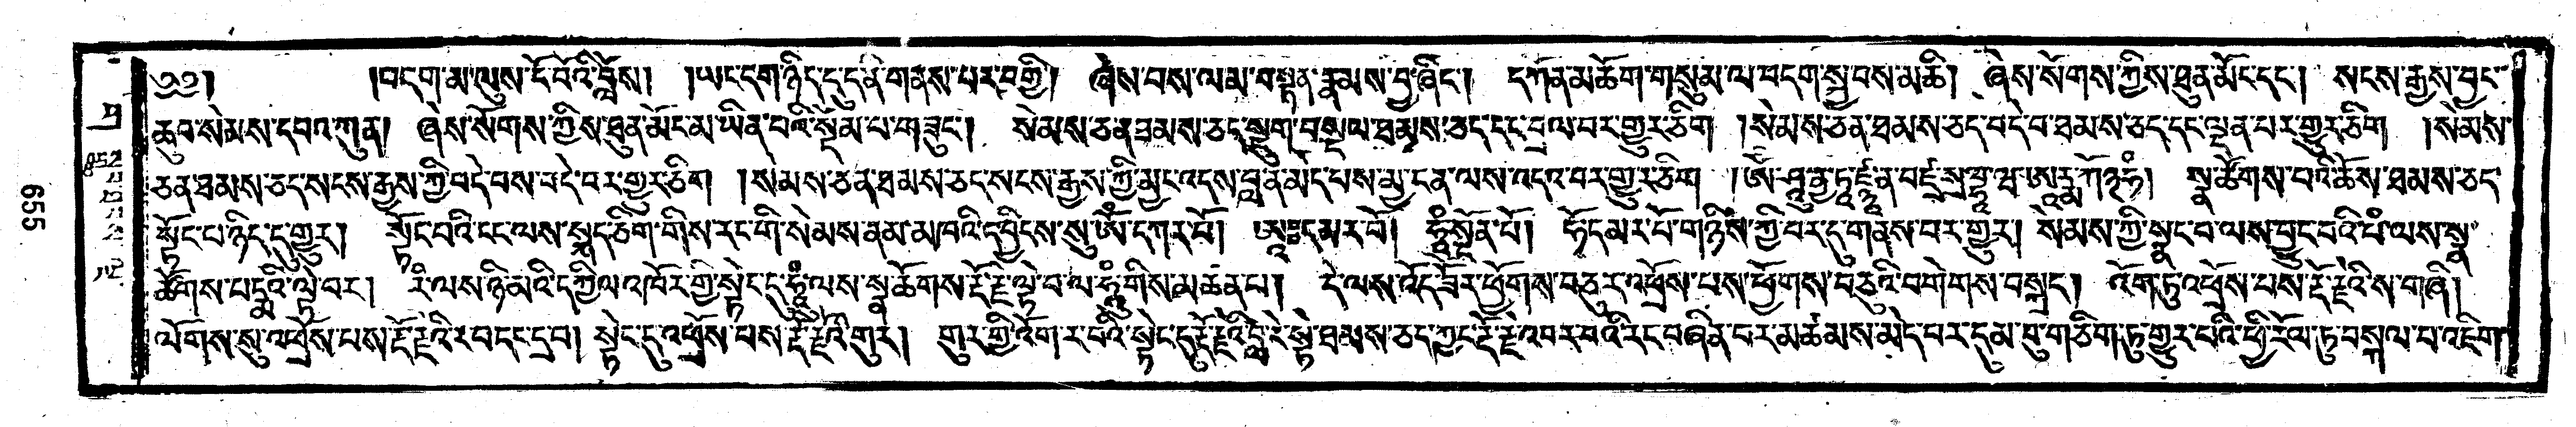༄༅། །བདག་མ་ལུས་ངོ་བོའི་བློས། །ཡང་དག་ཉིད་དུ་ད་ནི་གནས་པར་བགྱི། ཞེས་བས་ལམ་བསྟན་རྣམས་བྱ་ཞིང་། དཀོན་མཆོག་གསུམ་ལ་བདག་སྐྱབས་མཆི། ཞེས་སོགས་ཀྱིས་ཐུན་མོང་དང་། སངས་རྒྱས་བྱང་
ཆུབ་སེམས་དཔའ་ཀུན། ཞེས་སོགས་ཀྱིས་ཐུན་མོང་མ་ཡིན་པའི་སྡོམ་པ་གཟུང་། སེམས་ཅན་ཐམས་ཅད་སྡུག་བསྔལ་ཐམས་ཅད་དང་བྲལ་བར་གྱུར་ཅིག །སེམས་ཅན་ཐམས་ཅད་བདེ་བ་ཐམས་ཅད་དང་ལྡན་པར་གྱུར་ཅིག །སེམས་
ཅན་ཐམས་ཅད་སངས་རྒྱས་ཀྱི་བདེ་བས་བདེ་བར་གྱུར་ཅིག །སེམས་ཅན་ཐམས་ཅད་སངས་རྒྱས་ཀྱི་མྱང་འདས་བླ་ན་མེད་པས་མྱ་ངན་ལས་འདའ་བར་གྱུར་ཅིག །ཨོཾ་ཤཱུ་ནྱ་ཏཱ་ཛྙཱ་ན་བཛྲ་སྲབྷཱ་ཝ་ཨཱརྨ་ཀོཉྷཾ། སྣ་ཚོགས་བའི་ཆོས་ཐམས་ཅད་
སྟོང་པ་ཉིད་དུ་གྱུར། སྟོང་བའི་ངང་ལས་སྐད་ཅིག་གིས་རང་གི་སེམས་ནམ་མཁའི་དབྱིངས་སུ་ཨོཾ་དཀར་པོ། ཨཱཿདམར་བོ། ཧཱུཾ་སྔོན་པོ། ཧོ་དམར་པོ་གཉིས་ཀྱི་བར་དུ་གནས་པར་གྱུར། སེམས་ཀྱི་སྣང་བ་ལས་བྱུང་བའི་པཾ་ལས་སྣ་
ཚོགས་པདམའི་ལྟེ་བར། རཾ་ལས་ཉི་མའི་དཀྱིལ་འཁོར་གྱི་སྟེང་དུ་ཧཱུཾ་ལས་སྣ་ཆོགས་རྡོ་རྗེ་ལྟེ་བ་ལ་ཧཱུཾ་གིས་མཚན་པ། དེ་ལས་འོད་ཟོར་ཕྱོགས་བཅུར་འཕྲོས་པས་ཕྱོགས་བཅུའི་བགེགས་བསྐྲད། འོག་ཏུ་འཕྲོས་པས་རྡོ་རྗེའི་ས་གཞི།
ལོགས་སུ་འཕྲོས་པས་རྡོ་རྗེའི་རབ་དང་དྲ་བ། སྟེང་དུ་འཕྲོས་པས་རྡོ་རྗེའི་གུར། གུར་གྱི་འོག་ར་བའི་སྟེང་དུ་རྡོ་རྗེའི་བླ་རེ་སྟེ་ཐམས་ཅད་ཀྱང་རྡོ་རྗེ་འབར་བའི་རང་བཞིན་བར་མཚམས་མེད་བར་དུམ་བུ་གཅིག་ཏུ་གྱུར་བའི་ཕྱི་རོལ་ཏུ་བསྐལ་བ་འཇིག་